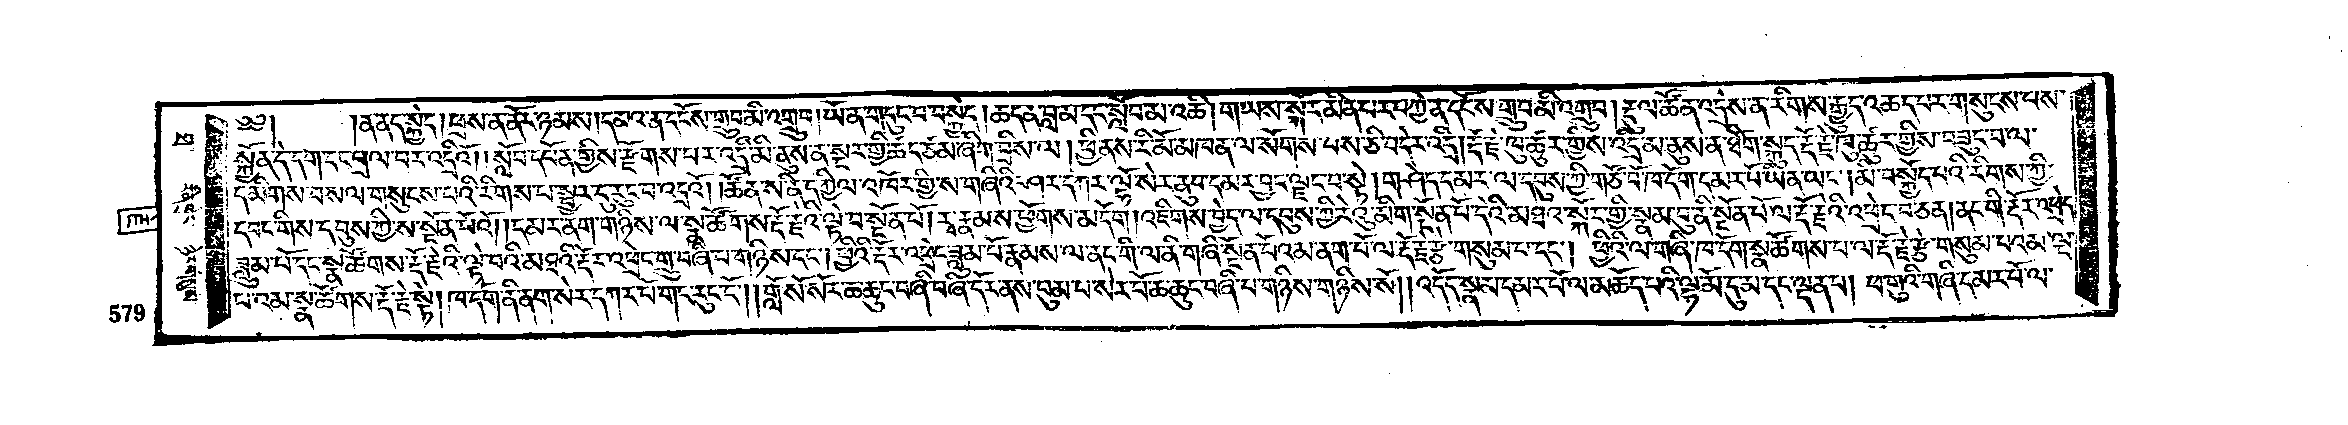༄༅། །ན་ནད་སྐྱེད། ཕྲས་ན་ནོར་ཉམས། དམའ་ན་དངོས་གྲུབ་མི་འགྲུབ། ཡོ་ན་གདུང་བ་བསྐྱེད། ཆད་ན་བླ་མ་དང་སློབ་མ་འཆི། གཡས་སྐོར་མིན་པར་བཀྱེ་ན་དངོས་གྲུབ་མི་འགྲུབ། རྡུལ་ཚོན་འདྲེས་ན་རིགས་རྒྱུད་འཆད་པར་གསུངས་པས་
སྐྱོན་དེ་དག་དང་བྲལ་བར་འདྲིའོ། །སློབ་དཔོན་གྱིས་རྫོགས་པར་འདྲི་མི་ནུས་ན་སྔར་གྱི་ཚད་ཙམ་ཞིག་བྲིས་ལ། ཕྱི་ནས་རི་མོ་མཁན་ལ་སོགས་པས་ཅི་བདེར་འདྲི། རྡོ་རྗེ་ཁུ་ཚུར་གྱིས་འདྲི་མ་ནུས་ན་ཐོག་སྐུད་རྡོ་རྗེ་ཁུ་ཚུར་གྱིས་བཟུང་བ་ལ་
དམིགས་བསལ་གསུངས་པའི་རིགས་པ་སྤྱར་དུ་རུང་བ་འདྲའོ། །ཚོན་ས་ནི་དཀྱིལ་འཁོར་གྱི་ས་གཞིའི་ཤར་དཀར་ལྷོ་སེར་ནུབ་དམར་བྱང་ལྗང་བ་སྟེ། གཤེད་དམར་ལ་དབུས་ཀྱི་གཙོ་བོ་ཁ་དོག་དམར་པོ་ཡིན་ཡང་། མི་བསྐྱོད་པའི་རིགས་ཀྱི་
དབང་གིས་དབུས་ཀྱི་ས་སྔོན་པོའོ། །དམར་ནག་གཉིས་ལ་སྣ་ཚོགས་རྡོ་རྗེའི་ལྟེ་བ་སྔོན་པོ། རྭ་རྣམས་ཕྱོགས་མདོག །འཇིགས་བྱེད་ལ་དབུས་ཀྱི་རེའུ་མིག་སྔོན་པོ་དེའི་མཐའ་སྐོར་གྱི་སྣམ་བུ་ནི་སྔོན་པོ་ལ་རྡོ་རྗེའི་འཕྲེང་བ་ཅན། ནང་གི་རྡོར་འཕྲེད་
ཟླུམ་པོ་དང་སྣ་ཚོགས་རྡོ་རྗེའི་ལྟེ་བའི་མཐའི་རྡོར་འཕྲེང་གྲུ་བཞི་པ་གཉིས་དང་། ཕྱིའི་རྡོར་འཕྲེང་ཟླུམ་པོ་རྣམས་ལ་ནང་གི་ལ་ནི་གཞི་སྔོན་པོའམ་ནག་པོ་ལ་རྡོ་རྗེ་རྩེ་གསུམ་པ་དང་། ཕྱིའི་ལ་གཞི་ཁ་དོག་སྣ་ཚོགས་པ་ལ་རྡོ་རྗེ་རྩེ་གསུམ་པའམ་ལྔ་
པ་འམ་སྣ་ཚོགས་རྡོ་རྗེ་སྟེ། ཁ་དོག་ནི་ནག་སེར་དཀར་པོ་གང་རུང་ངོ། །གློ་སོ་སོར་ཆ་ཆུང་བཞི་བཞི་དོར་ནས་བུམ་པ་སེར་པོ་ཆ་ཆུང་བཞི་པ་གཉིས་གཉིས་སོ། །འདོད་སྣམ་དམར་པོ་ལ་མཆོད་པའི་ལྷ་མོ་དུ་མ་དང་ལྡན་པ། ཕ་གུའི་གཞི་དམར་པོ་ལ་